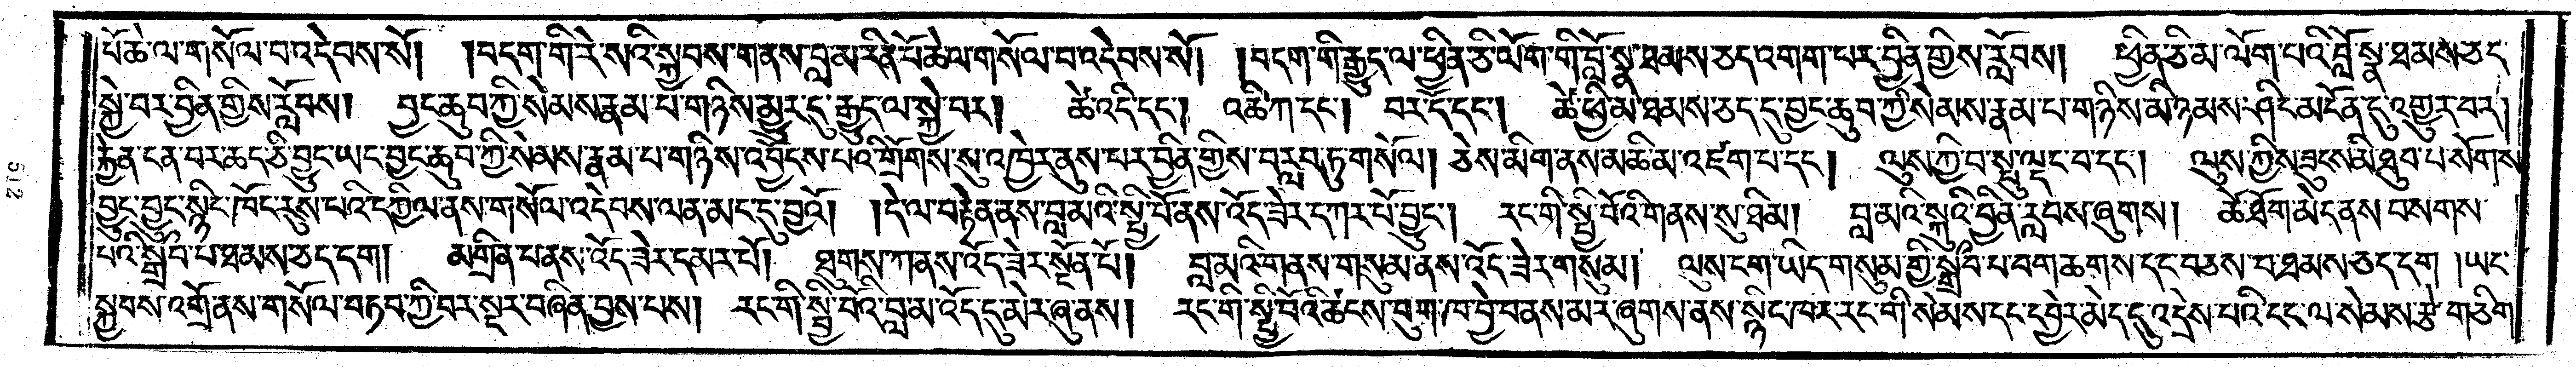པོ་ཆེ་ལ་གསོལ་བ་འདེབས་སོ། །བདག་གི་རེ་སའི་སྐྱབས་གནས་བླ་མ་རིན་པོ་ཆེ་ལ་གསོལ་བ་འདེབས་སོ། །བདག་གི་རྒྱུད་ལ་ཕྱིན་ཅི་ལོག་གི་བློ་སྣ་ཐམས་ཅད་འགག་པར་བྱིན་གྱིས་རློབས། ཕྱིན་ཅི་མ་ལོག་པའི་བློ་སྣ་ཐམས་ཅད་
སྐྱེ་བར་བྱིན་གྱིས་རློབས། བྱང་ཆུབ་ཀྱི་སེམས་རྣམ་པ་གཉིས་མྱུར་དུ་རྒྱུད་ལ་སྐྱེ་བར། ཚེ་འདི་དང་། འཆི་ཀ་དང་། བར་དོ་དང་། ཚེ་ཕྱི་མ་ཐམས་ཅད་དུ་བྱང་ཆུབ་ཀྱི་སེམས་རྣམ་པ་གཉིས་མི་ཉམས་ཤིང་མངོན་དུ་འགྱུར་བར།
རྐྱེན་ངན་པར་ཆད་ཅི་བྱུང་ཡང་བྱང་ཆུབ་ཀྱི་སེམས་རྣམ་པ་གཉིས་འབྱོངས་པའི་གྲོགས་སུ་འཁྱེར་ནུས་པར་བྱིན་གྱིས་བརླབ་ཏུ་གསོལ། ཅེས་མིག་ནས་མཆི་མ་འཛག་པ་དང་། ལུས་ཀྱི་བ་སྤུ་ལྡན་པ་དང་། ལུས་ཀྱིས་ཟུངས་མི་ཐུབ་པ་སོགས་
བྱུང་བྱུང་སྙིང་ཁོང་རུས་པའི་དཀྱིལ་ནས་གསོལ་འདེབས་ལན་མང་དུ་བྱའོ། །དེ་ལ་བརྟེན་ནས་བླ་མའི་སྤྱི་བོ་ནས་འོད་ཟེར་དཀར་པོ་བྱུང་། རང་གི་སྤྱི་བོའི་གནས་སུ་ཐིམ། བླ་མའི་སྐུའི་བྱིན་རླབས་ཞུགས། ཚེ་ཐོག་མེད་ནས་བསགས་
པའི་སྒྲྀབ་པ་ཐམས་ཅད་དག། མགྲིན་པ་ནས་འོད་ཟེར་དམར་པོ། ཐུགས་ཀ་ནས་འོད་ཟེར་སྔོན་པོ། བླ་མའི་གནས་གསུམ་ནས་འོད་ཟེར་གསུམ། ལུས་ངག་ཡིད་གསུམ་གྱི་སྒྲྀབ་པ་བག་ཆགས་དང་བཅས་པ་ཐམས་ཅད་དག །ཡང་
སྐྱབས་འགྲོ་ནས་གསོལ་བཏབ་ཀྱི་བར་སྔར་བཞིན་བྱས་པས། རང་གི་སྦྱི་བོའི་བླ་མ་འོད་དུ་མེར་ཞུ་ནས། རང་གི་སྤྱི་བོའི་ཚངས་བུག་ཁ་བྱེ་བ་ནས་མར་ཞུགས་ནས་སྙིང་ཁར་རང་གི་སེམས་དང་དབྱེར་མེད་དུ་འདྲེས་པའི་ངང་ལ་སེམས་རྩེ་གཅིག་